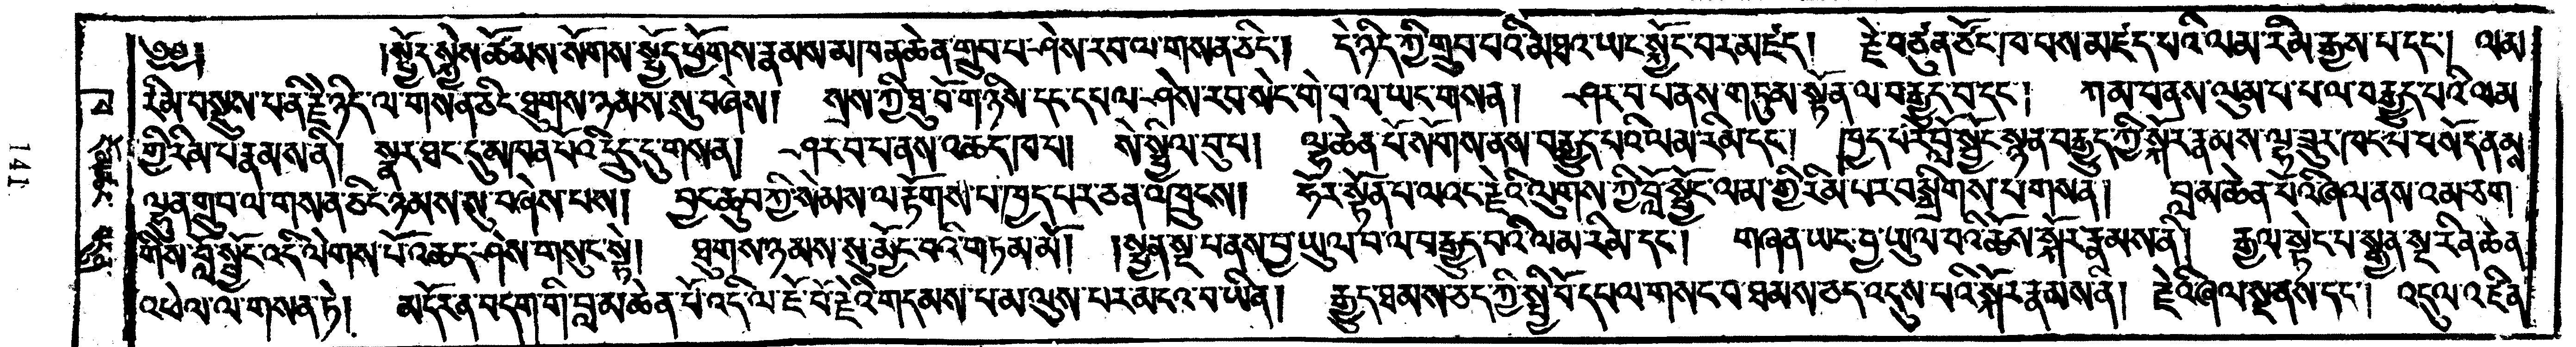༄༅། །སྤྱོད་སྐྱེས་ཚོམས་སོགས་སྤྱོད་ཕྱོགས་རྣམས་མཁན་ཆེན་གྲུབ་པ་ཤེས་རབ་ལ་གསན་ཅིང་། དེ་ཉིད་ཀྱི་གྲུབ་པའི་མཐའ་ཡང་སྐྱོང་བར་མཛད། རྗེ་བཙུན་ཙོང་ཁ་པས་མཛད་པའི་ལམ་རིམ་རྒྱས་པ་དང་། ལམ་
རིམ་བསྡུས་པ་ནི་རྗེ་ཉིད་ལ་གསན་ཅིང་ཐུགས་ཉམས་སུ་བཞེས། སྲས་ཀྱི་ཐུ་བོ་གཉིས་དང་དཔལ་ཤེས་རབ་སེང་གེ་བ་ལ་ཡང་གསན། ཤར་བ་པ་ནས་གཏུམ་སྟོན་ལ་བརྒྱུད་བ་དང་། ཀ་མ་བ་ནས་ལུམ་པ་པ་ལ་བརྒྱུད་པའི་ལམ་
གྱི་རིམ་པ་རྣམས་ནི། སྣར་ཐང་དུ་མཁན་པོའི་དྲུང་དུ་གསན། ཤར་བ་པ་ནས་འཆད་ཁ་པ། སེ་སྦྱིལ་བུ་པ། ལྷ་ཆེན་པོ་སོགས་ནས་བརྒྱུད་པའི་ལམ་རིམ་དང་། ཁྱད་པར་བློ་སྦྱོང་སྙན་བརྒྱུད་ཀྱི་སྐོར་རྣམས་ལྷ་ཟུར་ཁང་པ་བསོད་ནམས་
ལྷུན་གྲུབ་ལ་གསན་ཅིང་ཉམས་སུ་བཞེས་པས། བྱང་ཆུབ་ཀྱི་སེམས་ལ་རྟོགས་པ་ཁྱད་པར་ཅན་འཁྲུངས། ཧོར་སྟོན་པ་ལའང་རྗེའི་ལུགས་ཀྱི་བློ་སྦྱོང་ལམ་གྱི་རིམ་པར་བསྒྲིགས་པ་གསན། བླ་མ་ཆེན་པོའི་ཞལ་ནས་འམ་ཅག་
གིས་བློ་སྦྱོང་འདི་ལེགས་པོ་འཆད་ཤེས་གསུང་སྟེ། ཐུགས་ཉམས་སུ་མྱོང་བའི་གཏམ་མོ། །སྤྱན་སྔ་པ་ནས་བྱ་ཡུལ་བ་ལ་བརྒྱུད་བའི་ལམ་རིམ་དང་། གཞན་ཡང་བྱ་ཡུལ་བའི་ཆོས་སྐོར་རྣམས་ནི། རྒྱལ་སྟེང་པ་སྒྱན་སྔ་རིན་ཆེན་
འཕེལ་ལ་གསན་ཏེ། མདོར་ན་བདག་གི་བླ་མ་ཆེན་པོ་འདི་ལ་ཇོ་བོ་རྗེའི་གདམས་པ་མ་ལུས་པར་མངའ་བ་ཡིན། རྒྱུད་ཐམས་ཅད་ཀྱི་སྤྱི་བོ་དཔལ་གསང་བ་ཐམས་ཅད་འདུས་པའི་སྐོར་རྣམས་ནི། རྗེའི་ཞལ་སྔ་ནས་དང་། འདུལ་འཛིན་